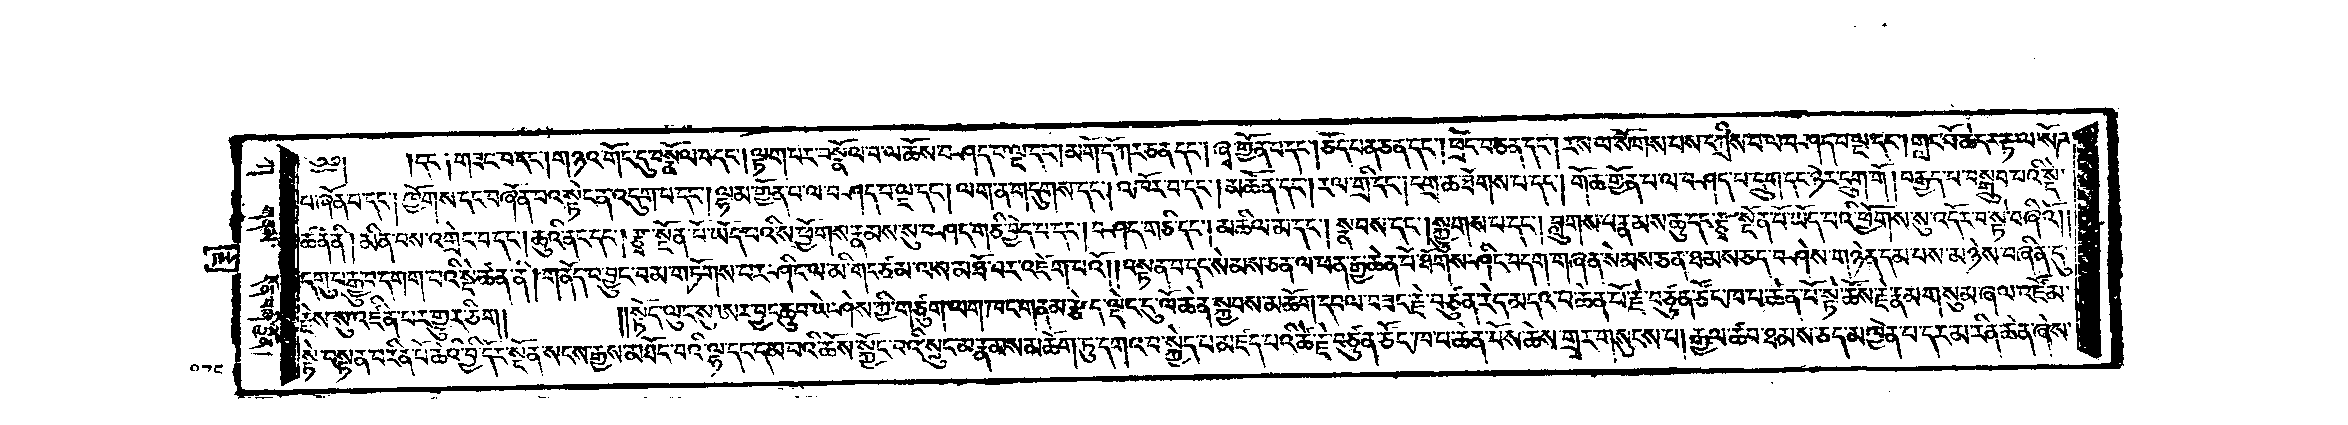༄༅། །དང་། གཟང་བ་དང་། གཉའ་གོང་དུ་བསྣོལ་བ་དང་། ལྟག་པར་བསྣོལ་བ་ལ་ཆོས་བཤད་པ་ལྔ་དང་། མགོ་དཀོར་ཅན་དང་། ཞྭ་གྱོན་པ་དང་། ཅོད་པན་ཅན་དང་། ཕྲོད་བ་ཅན་དང་། རས་ལ་སོགས་པས་དཀྲིས་པ་ལ་བཤད་པ་ལྔ་དང་། གླང་པོ་ཆེ་དང་རྟ་ལ་སོགས་
པ་ཞོན་པ་དང་། ཁྱོགས་དང་བཞོན་པའ་སྟེང་ན་འདུག་པ་དང་། ལྷམ་གྱོན་པ་ལ་བཤད་པ་ལྔ་དང་། ལག་ན་གདུགས་དང་། འཁོར་བ་དང་། མཚོན་དང་། རལ་གྲི་དང་། དགྲ་ཆ་ཐོགས་པ་དང་། གོ་ཆ་གྱོན་པ་ལ་བཤད་པ་དྲུག་དང་ཉེར་དྲུག་གོ། བརྒྱད་པ་བསྒྲུབ་པའི་སྡེ་
ཚན་ནི། མིན་བས་འགྲེང་བ་དང་། ཆུའི་ནང་དང་། རྩྭ་སྔོན་པོ་ཡོད་པའི་ས་ཕྱོགས་རྣམས་སུ་བཤད་གཅི་བྱེད་པ་དང་། བཤད་གཅི་དང་། མཆིལ་མ་དང་། སྣབས་དང་། སྐྱུགས་པ་དང་། བླུགས་པ་རྣམས་ཆུ་དང་རྩྭ་སྔོན་པོ་ཡོད་པའི་ཕྱོགས་སུ་འདོར་བ་སྟེ་བཞིའོ།།
དགུ་པ་རྒྱུ་བ་དགག་པའི་སྡེ་ཚན་ནི། གནོད་བ་བྱུང་བ་མ་གཏོགས་པར་ཤིང་ལ་མི་གང་ཙམ་ལས་མཐོ་བར་འཇོག་པའོ། །བསྟན་པ་དང་སེམས་ཅན་ལ་ཕན་རྒྱ་ཆེན་པོ་ཐོགས་ཤིང་བདག་གཞན་སེམས་ཅན་ཐམས་ཅད་བཤེས་གཉེན་དམ་པས་མཉེས་བཞིན་དུ་
རྗེས་སུ་འཛིན་པར་གྱུར་ཅིག། །།སྟོད་ལུང་སུ་ཨར་བྱང་ཆུབ་ཡེ་ཤེས་ཀྱི་གཙུག་ལག་ཁང་གནམ་རྩེད་ལྡེང་དུ་ལོ་ཆེན་སྐྱབས་མཆོག་དཔལ་བཟང་རྗེ་བཙུན་རེད་མདའ་བ་ཆེན་པོ་རྗེ་བཙུན་ཙོང་ཁ་པ་ཆེན་པོ་སྟེ་ཆོས་རྗེ་རྣམ་གསུམ་ཞལ་འཛོམ་
སྟེ་བསྟན་པ་རིན་པོ་ཆེའི་བྱི་དོར་སྔོན་སངས་རྒྱས་མཐོང་བའི་ལྷ་དང་དམ་པའི་ཆོས་སྐྱོང་བའི་སྲུང་མ་རྣམས་མཆོག་ཏུ་དགའ་བ་སྐྱེད་པ་མཛད་པའི་ཚེ་རྗེ་བཙུན་ཙོང་ཁ་པ་ཆེན་པོས་ཆེས་གྲྭར་གསུངས་པ། རྒྱལ་ཚབ་ཐམས་ཅད་མཁྱེན་པ་དར་མ་རིན་ཆེན་ཞེས་